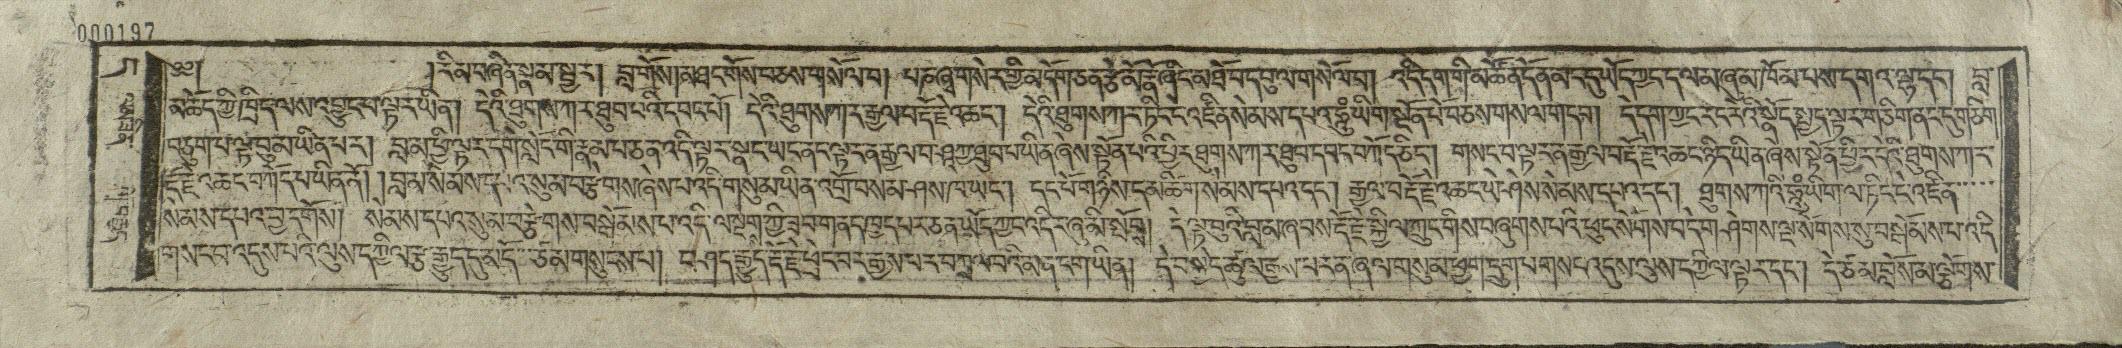༄༅། །རིམ་བཞིན་སྣམ་སྦྱར། བླ་གོས། མཐང་གོས་བཅས་གསོལ་བ། པཎ་ཞྭ་གསེར་གྱི་མདོག་ཅན་རྩེ་མོ་རྣོ་ཞིང་མཐོ་བ་དབུ་ལ་གསོལ་བ། འདི་དག་གི་མཚོན་དོན་མང་དུ་ཡོད་ཀྱང་ད་ལམ་ཞུ་མ་ཁོམ་པས་དགའ་ལྷ་དང་། བླ་
མཆོད་ཀྱི་ཁྲིད་ལས་འབྱུང་བ་ལྟར་ཡིན། དེའི་ཐུགས་ཀར་ཐུབ་པའི་དབང་པོ། དེའི་ཐུགས་ཀར་རྒྱལ་བ་རྡོ་རྗེ་འཆང་། དེའི་ཐུགས་ཀར་ཏིང་ངེ་འཛིན་སེམས་དཔའ་ཧཱུཾ་ཡིག་སྔོན་པོ་བཅས་གསལ་གདབ། དེ་དག་ཀྱང་རང་རེའི་སྣོད་སྤྱད་ལྟར་གཅིག་ནང་དུ་གཅིག་
བཅུག་པ་ལྟ་བུ་མ་ཡིན་པར། བླ་མ་ཕྱི་ལྟར་དགེ་སློང་གི་རྣམ་པ་ཅན་འདི་ལྟར་སྣང་ཡང་ནང་ལྟར་ན་རྒྱལ་བ་ཤཱཀྱ་ཐུབ་པ་ཡིན་ཞེས་སྟོན་པའི་ཕྱིར་ཐུགས་ཀར་ཐུབ་དབང་བཀོད་ཅིང་། གསང་བ་ལྟར་ན་རྒྱལ་བ་རྡོ་རྗེ་འཆང་ཉིད་ཡིན་ཞེས་སྟོན་ཕྱིར་དེའི་ཐུགས་ཀར་
རྡོ་རྗེ་འཆང་བཀོད་པ་ཡིན་ནོ། །བླ་མ་སེམས་དཔའ་སུམ་བརྩེགས་ཞེས་པ་འདི་གསུམ་ཡིན་འགྲོ་བསམ་ཤས་ཁ་ཡང་། དང་པོ་གཉིས་དམ་ཚིག་སེམས་དཔའ་དང་། རྒྱལ་བ་རྡོ་རྗེ་འཆང་ཡེ་ཤེས་སེམས་དཔའ་དང་། ཐུགས་ཀའི་ཧཱུཾ་ཡིག་ལ་ཏིང་ངེ་འཛིན་
སེམས་དཔའ་བྱ་དགོས། སེམས་དཔའ་སུམ་བརྩེགས་བསྒོམས་པ་འདི་ལ་སྔགས་ཀྱི་ཟབ་གནད་ཁྱད་པར་ཅན་ཡོད་ཀྱང་འདིར་ཞུ་མི་སྤོབས། དེ་ལྟ་བུའི་བླ་མ་ཞབས་རྡོ་རྗེ་སྐྱིལ་ཀྲུང་གིས་བཞུགས་པའི་ཕུང་སོགས་བདེ་གཤེགས་ལྔ་སོགས་སུ་བསྒོམས་པ་འདི་
གསང་བ་འདུས་པའི་ལུས་དཀྱིལ་རྩ་རྒྱུད་དུ་མདོ་ཙམ་གསུངས་པ། བཤད་རྒྱུད་རྡོ་རྗེ་ཕྲེང་བར་རྒྱས་པར་བཀྲལ་བའི་མན་ངག་ཡིན། དེ་བསྐྱེད་ཚུལ་རྒྱས་པར་ན་ཞལ་གསུམ་ཕྱག་དྲུག་པ་གསང་འདུས་ལུས་དཀྱིལ་ལྟར་དང་། དེ་ཙམ་བློས་མ་ལྕོགས་